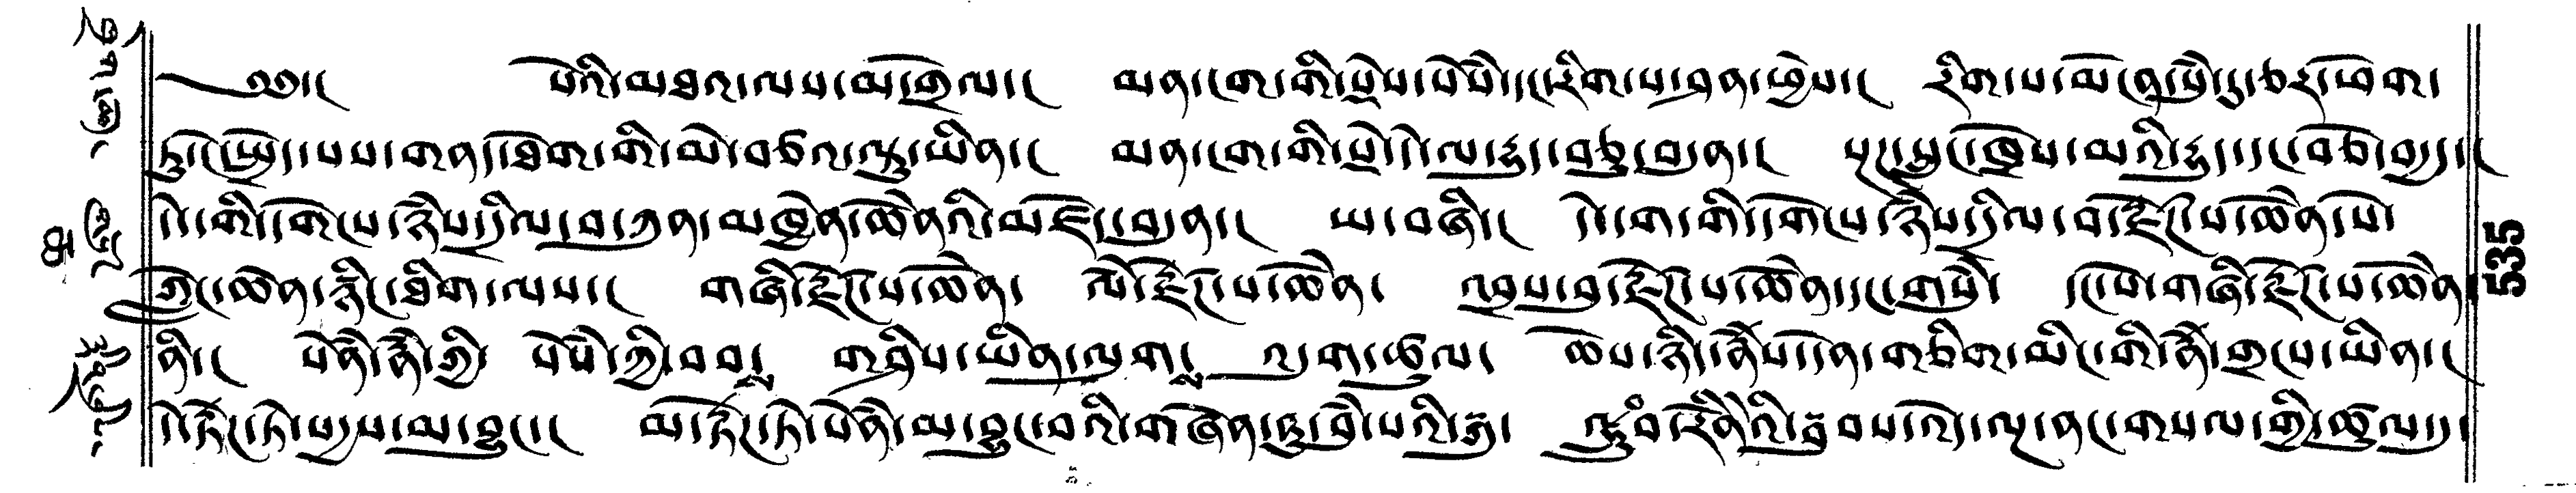པོའི་མཐའ་ལས་མ་གྲོལ།མན་ངག་གི་སྡེས་སེམས་དང་རིག་པ་ཤན་ཕྱེས། རིག་པ་མངོན་སུམ་ཅར་ཕོག་
ཏུ་ངོ་སྤྲོད་པས་གནད་ཐོག་གི་མེ་བཙའ་ལྟ་བུ་ཡིན། མན་ངག་གི་སྡེ་དེ་ལ་རྒྱུད་བཅུ་བདུན། སྔགས་སྲུང་ཁྲོས་མའི་རྒྱུད་དང་བཅོ་བརྒྱད། 
དེ་དག་གི་དགོངས་ཉམས་དྲིལ་བ་ཀུན་མཁྱེན་ཆེན་པོའི་མཛོད་བདུན། ཡ་བཞི། དེ་དག་གི་དགོངས་ཉམས་དྲིལ་བ་རྫོགས་པ་ཆེན་པོ་
ཀློང་ཆེན་སྙིང་ཐིག་ལས། གཞི་རྫོགས་པ་ཆེན་པོ། ལམ་རྫོགས་པ་ཆེན་པོ། འབྲས་བུ་རྫོགས་པ་ཆེན་པོ་དང་གསུམ། དང་པོ་གཞི་རྫོགས་པ་ཆེན་པོ་
ནི། སེམས་ཅན་རྣམས་ཀྱི་སེམས་ཀྱི་བབས། གཤིས་ཀྱི་ཡིན་ལུགས། འདུག་ཚུལ། ཆོས་ཉིད་རྣམས་དོན་གཅིག་མིང་གི་རྣམ་གྲངས་ཡིན། 
དེ་རྟོགས་ཏེ་སངས་རྒྱས་མ་བྱུང་། མ་རྟོགས་ཏེ་སེམས་ཅན་མ་བྱུང་བའི་གཞོན་ནུ་བུམ་པའི་སྐུ། ལྷུན་གྲུབ་རིན་པོ་ཆེའི་སྦུབས་འོད་ལྔ་ནང་གསལ་གྱི་ཚུལ་དུ་